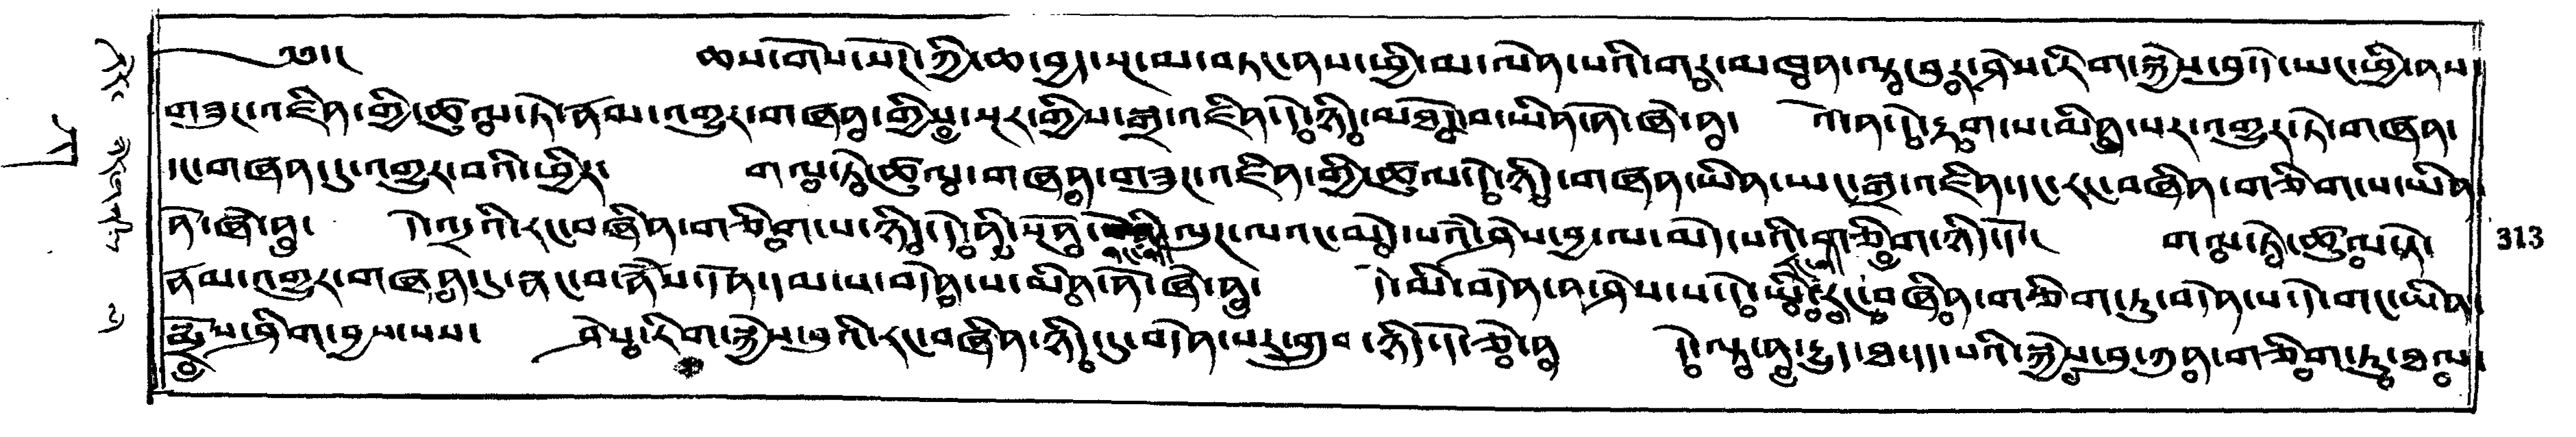ཆས་གོས་སོགས་ཀྱི་ཆ་བྱད་སྔ་མ་བཏང་ནས་ཕྱི་མ་ལེན་པའི་གར་མཁན་ལྟ་བུར་ཤེས་རིག་སྐྱེས་བུ་དེ་ཡང་ཕྱི་ནས་
གཟུགས་འཛིན་གྱི་ཚུལ་ཏེ་རྣམ་འགྱུར་གཞན་གྱིས་སྔར་གྱིས་སྒྲ་འཛིན་དེ་ཉིད་མཐོང་བ་ཡིན་ནོ་ཞེ་ན། འོ་ན་དེ་རྟག་པ་མིན་པར་འགྱུར་ཏེ་གཞན་
དང་གཞན་དུ་འགྱུར་བའི་ཕྱིར། གལ་ཏེ་ཚུལ་གཞན་གཟུགས་འཛིན་གྱི་ཚུལ་དེ་ཉིད་གཞན་ཡིན་ཡང་སྒྲ་འཛིན་དང་རང་བཞིན་གཅིག་པ་ཡིན་
ནོ་ཞེ་ན། དེ་འདྲའི་རང་བཞིན་གཅིག་པ་ཉིད་དེ་ནི་སྔོན་གང་གི་ལུགས་ལའང་མེད་པའམ་ཤེས་བྱ་ལ་མེད་པའི་གཅིག་ཉིད་དོ། གལ་ཏེ་ཚུལ་ཏེ་
རྣམ་འགྱུར་གཞན་དུ་སྣང་བ་རྣམས་དོན་དམ་པར་བདེན་པ་མིན་ནོ་ཞེ་ན། དེ་མི་བདེན་ན་ཤེས་པ་དེ་ཡི་རང་གི་རང་བཞིན་གཅིག་ཏུ་བདེན་པ་དེ་གང་ཡིན་
སྨྲོས་ཤིག་བྱས་པས།ཤེས་རིག་སྐྱེས་བུའི་རང་བཞིན་ཉིད་དུ་བདེན་པར་གྲུབ་པ་ཉིད་དོ་ཞེ་ན། དེ་ལྟ་ན་རྒྱུད་ཐ་དད་པའི་སྐྱེས་བུ་ཀུན་གཅིག་ཏུ་ཐལ་